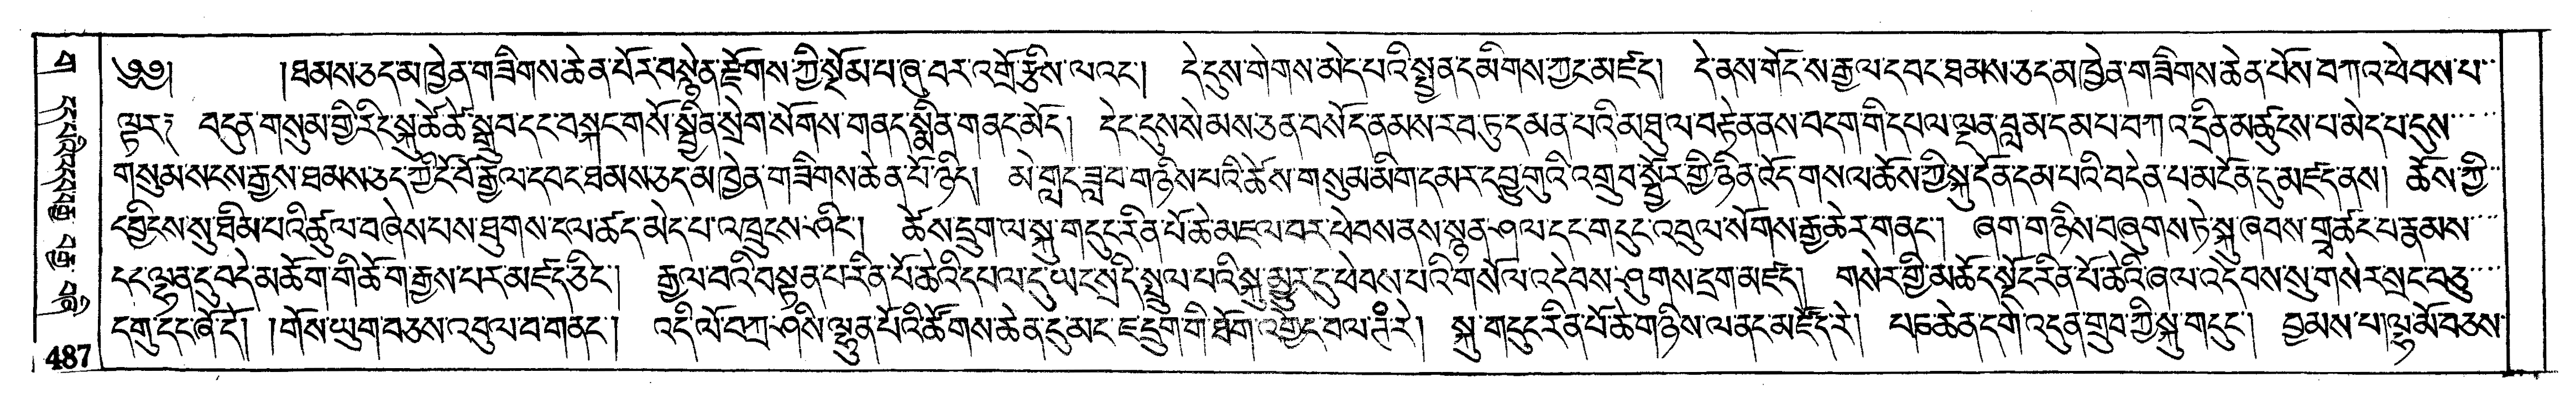༄༅། །ཐམས་ཅད་མཁྱེན་གཟིགས་ཆེན་པོར་བསྙེན་རྫོགས་ཀྱི་སྡོམ་པ་ཞུ་བར་འགྲོ་རྩིས་ལའང་། དེ་དུས་གེགས་མེད་པའི་སྤྱན་དམིགས་ཀྱང་མཛད། དེ་ནས་གོང་ས་རྒྱལ་དབང་ཐམས་ཅད་མཁྱེན་གཟིགས་ཆེན་པོས་བཀའ་ཕེབས་པ་
ལྟར། བདུན་གསུམ་གྱི་རིང་སྐུ་ཚེ་ཚེ་སྒྲུབ་དང་བསྐང་གསོ་སྦྱིན་སྲེག་སོགས་གནང་སྨིན་གནང་མོད། དེང་དུས་སེམས་ཅན་བསོད་ནམས་རབ་ཏུ་དམན་པའི་མཐུ་ལ་བརྟེན་ནས་བདག་གི་དཔལ་ལྡན་བླ་མ་དམ་པ་བཀའ་དྲིན་མཚུངས་བ་མེད་པ་དུས་
གསུམ་སངས་རྒྱས་ཐམས་ཅད་ཀྱི་ངོ་བོ་རྒྱལ་དབང་ཐམས་ཅད་མཁྱེན་གཟིགས་ཆེན་པོ་ཉིད། མེ་གླང་ཟླ་བ་གཉིས་པའི་ཚེས་གསུམ་མིག་དམར་དབྱུ་གུའི་འགྲུབ་སྦྱོར་གྱི་ཉིན་འོད་གསལ་ཆོས་ཀྱི་སྐུ་དོན་དམ་པའི་བདེན་པ་མངོན་དུ་མཛད་ནས། ཆོས་ཀྱི་
དབྱིངས་སུ་ཐིམ་པའི་ཚུལ་བཞེས་པས་ཐུགས་ངལ་ཚད་མེད་པ་འཁྲུངས་ཤིང་། ཚེས་དྲུག་ལ་སྐུ་གདུང་རིན་པོ་ཆེ་མཇལ་བར་ཕེབས་ནས་སྙན་ཤལ་དང་གདུང་འབུལ་སོགས་རྒྱ་ཆེར་གནང་། ཞག་གཉིས་བཞུགས་ཏེ་སྐུ་ཞབས་གྲྭ་ཚང་པ་རྣམས་
དང་ལྷན་དུ་བདེ་མཆོག་གི་ཆོ་ག་རྒྱས་པར་མཛད་ཅིང་། རྒྱལ་བའི་བསྟན་པ་རིན་པོ་ཆེའི་དཔལ་དུ་ཡང་སྲིད་སྤྲུལ་པའི་སྐུ་མྱུར་དུ་ཕེབས་པའི་གསོལ་འདེབས་ཤུགས་དྲག་མཛད། གསེར་གྱི་མཆོད་སྡོང་རིན་པོ་ཆེའི་ཞལ་འདེབས་སུ་གསེར་སྲང་བཅུ་
དགུ་དང་ཞོ་དོ། །གོས་ཡུག་བཅས་འབུལ་བ་གནང་། འདི་ལོ་བཀྲ་ཤིས་ལྷུན་པོའི་ཚོགས་ཆེན་དུ་མང་ཇ་དྲུག་གི་ཐོག་འགྱེད་བལ་ཊཾ་རེ། སྐུ་གདུང་རིན་པོ་ཆེ་གཉིས་ལ་ནང་མཛོད་རེ། པཎ་ཆེན་དགེ་འདུན་གྲུབ་ཀྱི་སྐུ་གདུང་། བྱམས་པ། ལྷ་མོ་བཅས་